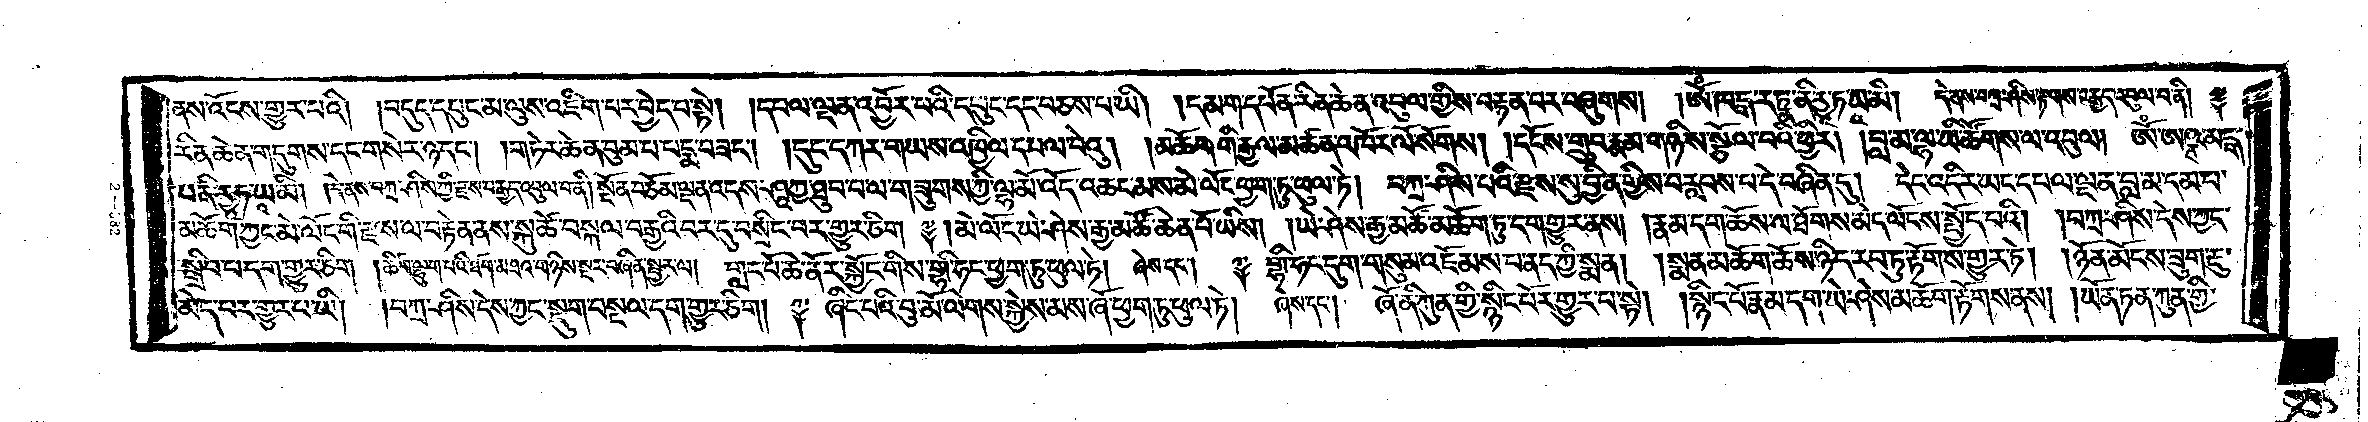ནས་འོངས་གྱུར་པའི། །བདུད་དཔུང་མ་ལུས་འཇིག་པར་བྱེད་པ་སྟེ། །དཔལ་ལྡན་འབྱོར་པའི་དཔུང་དང་བཅས་པ་ཡི། །དམག་དཔོན་རིན་ཆེན་འབུལ་གྱིས་བརྟན་པར་བཞུགས། །ཨོཾ་ཁངྒ་རཏྣ་ནིརྱཱ་ཏ་ཡཱ་མི། དེ་ནས་བཀྲ་ཤིས་རྟགས་བརྒྱད་འབུལ་བ་ནི།  ༈
རིན་ཆེན་གདུགས་དང་གསེར་ཉ་དང་། །གཏེར་ཆེན་བུམ་པ་པདམ་བཟང་། །དུང་དཀར་གཡས་འཁྱིལ་དཔལ་བེའུ། །མཆོག་གི་རྒྱལ་མཚན་འཁོར་ལོ་སོགས། །དངོས་གྲུབ་རྣམ་གཉིས་སྩོལ་བའི་ཕྱིར། །བླ་མ་ལྷ་ཡི་ཚོགས་ལ་འབུལ། ཨོཾ་ཨཥྚ་མངྒ་
པནིརྱཱ་ཧ་ཡཱ་མི། །དེ་ནས་བཀྲ་ཤིས་ཀྱི་རྫས་བརྒྱད་འབུལ་བ་ནི།  སྔོན་བཅོམ་ལྡན་འདས་ཤཱཀྱ་ཐུབ་པ་ལ་གཟུགས་ཀྱི་ལྷ་མོ་འོད་འཆང་མས་མེ་ལོང་ཕྱག་ཏུ་ཕུལ་ཏེ། བཀྲ་ཤིས་པའི་རྫས་སུ་བྱིན་གྱིས་བརླབས་པ་དེ་བཞིན་དུ། དེང་འདིར་ཡང་དཔལ་ལྡན་བླ་མ་དམ་པ་
མཆོག་ཀྱང་མེ་ལོང་གི་རྫས་ལ་བརྟེན་ནས་སྐུ་ཚེ་བསྐལ་བརྒྱའི་བར་དུ་བསྲིང་བར་གྱུར་ཅིག ༈ །མེ་ལོང་ཡེ་ཤེས་རྒྱ་མཚོ་ཆེན་པོ་ཡིས། །ཡེ་ཤེས་རྒྱ་མཚོ་མཆོག་ཏུ་དག་གྱུར་ནས། །རྣམ་དག་ཆོས་ལ་ཐོགས་མེད་ལོངས་སྤྱོད་པའི། །བཀྲ་ཤིས་དེས་ཀྱང་
སྒྲིབ་པ་དག་གྱུར་ཅིག་།ཚིག་ལྷུག་པའི་ཐོག་མཐའ་གཉིས་སྔར་བཞིན་སྦྱར་ལ།  གླང་པོ་ཆེ་ནོར་སྐྱོང་གིས་གྷི་ཧང་ཕྱག་ཏུ་ཕུལ་ཏེ། ཞེས་དང་།  ༈ གྷི་ཧང་དུག་གསུམ་འཇོམས་པ་ནད་ཀྱི་སྨན། །སྨན་མཆོག་ཆོས་ཉིད་རབ་ཏུ་རྟོགས་གྱུར་ཏེ། །ཉོན་མོངས་ཟུག་རྡུ་
མེད་པར་གྱུར་པ་ཡི། །བཀྲ་ཤིས་དེས་ཀྱང་སྡུག་བསྔལ་དག་གྱུར་ཅིག། ༈ ཞིང་པའི་བུ་མོ་ལེགས་སྐྱེས་མས་ཞོ་ཕྱག་ཏུ་ཕུལ་ཏེ། ཞེས་དང་།  ཞོ་ནི་ཀུན་གྱི་སྙིང་པོར་གྱུར་པ་སྟེ། །སྙིང་པོ་རྣམ་དག་ཡེ་ཤེས་མཆོག་རྟོགས་ནས། །ཡོན་ཏན་ཀུན་གྱི་